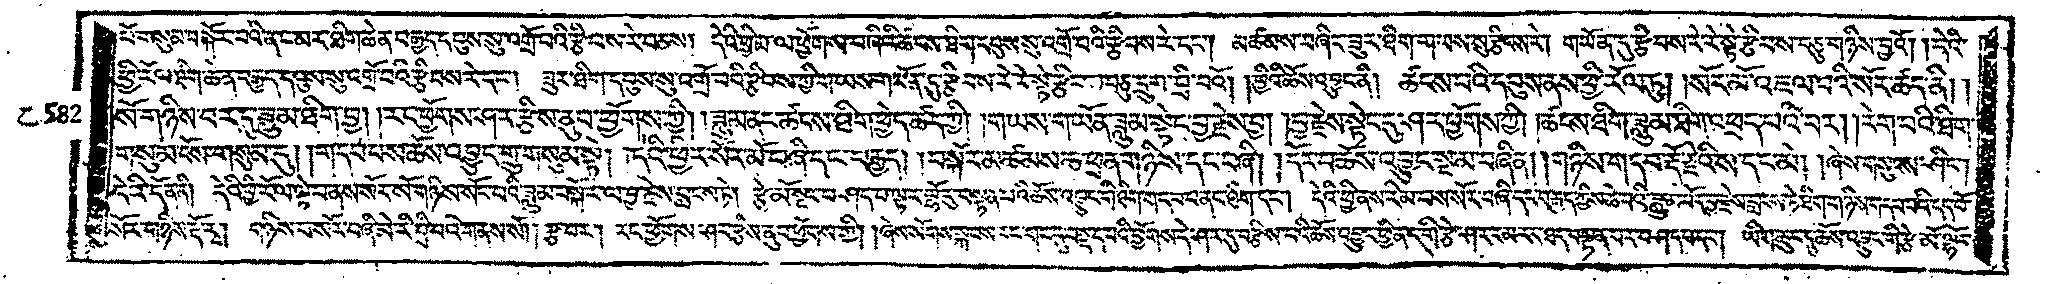པོ་གསུམ་བསྐོར་བའི་ནང་མར་ཐིག་ཆེན་བརྒྱད་དབུས་སུ་འགྲོ་བའི་རྩིབས་རེ་བཅས། དེའི་ཕྱི་མ་ལ་ཕྱོགས་བཞིའི་ཚངས་ཐིག་དབུས་སུ་འགྲོ་བའི་རྩིབས་རེ་དང་། མཚམས་བཞིར་ཟུར་ཐིག་གཡས་སུ་རྩིབས་རེ། གཡོན་དུ་རྩིབས་རེ་རེ་སྟེ་རྩིབས་བཅུ་གཉིས་བྱའོ། །དེའི་
ཕྱི་རོལ་ཐིག་ཆེན་བརྒྱད་དབུས་སུ་འགྲོ་བའི་རྩིབས་རེ་དང་། ཟུར་ཐིག་དབུས་སུ་འགྲོ་བའི་རྩིབས་ཀྱི་གཡས་གཡོན་དུ་རྩིབས་རེ་རེ་སྟེ་རྩིབས་བཅུ་དྲུག་བྲི་བའོ། །ཕྱིའི་ཆོས་འབྱུང་ནི།  ཚངས་པའི་དབུས་ནས་ཕྱི་རོལ་ཏུ། །སོར་མོ་འཇལ་བའི་སོར་ཚད་ནི། །
སོ་གཉིས་བར་དུ་ཟླུམ་ཐིག་བྱ། །རང་ཕྱོགས་ཤར་རྩིས་ནུབ་ཕྱོགས་ཀྱི། །ཟླུམ་ནང་ཚངས་ཐིག་ཕྱེད་ཚད་ཀྱི། །གཡས་གཡོན་ཟླུམ་སྟེང་བྱ་རྗེས་བྱ། །བྱ་རྗེས་སྟེང་དུ་ཤར་ཕྱོགས་ཀྱི། །ཚང་ཐིག་ཟླུམ་ཐིག་འཕྲད་པའི་བར་། །རིག་པའི་ཐིག་
གསུམ་ངོས་གསུམ་དུ། །གདབ་པས་ཆོས་འབྱུང་གྲུབ་གསུམ་སྟེ། །དེའི་ཕྱིར་སོར་མོ་བཞི་དང་བརྒྱད། །བསྐོར་མཚམས་ཆ་ཕྲན་གཉིས་དང་བཞི། །དོར་བ་ཆོས་འབྱུང་སྔ་མ་བཞིན། །གཉིས་གདབ་རྡོ་རྗེའི་ས་དང་མེ། །ཞེས་གསུངས་ཤིང་།
དེའི་དོན་ནི། དེའི་ཕྱི་རོལ་ལྟེ་བ་ནས་སོར་སོ་གཉིས་སོང་པའི་ཟླུམ་བསྐོར་ལ་བྱ་རྗེས་བླངས་ཏེ། རྩེ་མོ་སྔར་བཤད་པ་ལྟར་ལྷོ་རུ་བསྟན་པའི་ཆོས་འབྱུང་གི་ཐིག་གདབ་པ་ནང་ཐིག་དང་། དེའི་ཕྱི་ནས་རིམ་པས་སོར་བཞི་དང་བརྒྱད་ཀྱིས་ཆེ་བའི་ཟླུམ་པོར་བྱ་རྗེས་བླངས་ཏེ་ཐིག་གཉིས་གདབ་པའི་དད་པོ་
སོར་གཉིས་རྡོ་རྭ། གཉིས་པ་སོར་བཞི་མེ་རི་བྲི་བའི་གནས་སོ། །རྩ་བར། རང་ཕྱོགས་ཤར་རྩིས་ནུབ་ཕྱོགས་ཀྱི། །ཞེས་སོགས་སྐབས་རང་གང་དུ་བསྡད་པའི་ཕྱོགས་དེ་ཤར་དུ་བརྩིས་པའི་ཆོས་འབྱུང་ཕྱི་ནང་གི་རྩེ་ཤར་རམ་རང་ཐད་བསྟན་པར་བཤད་པ་དང་། ཡིག་ཆུང་དུ་ཆོས་འབྱུང་གི་རྩེ་མོ་ལྷོར་